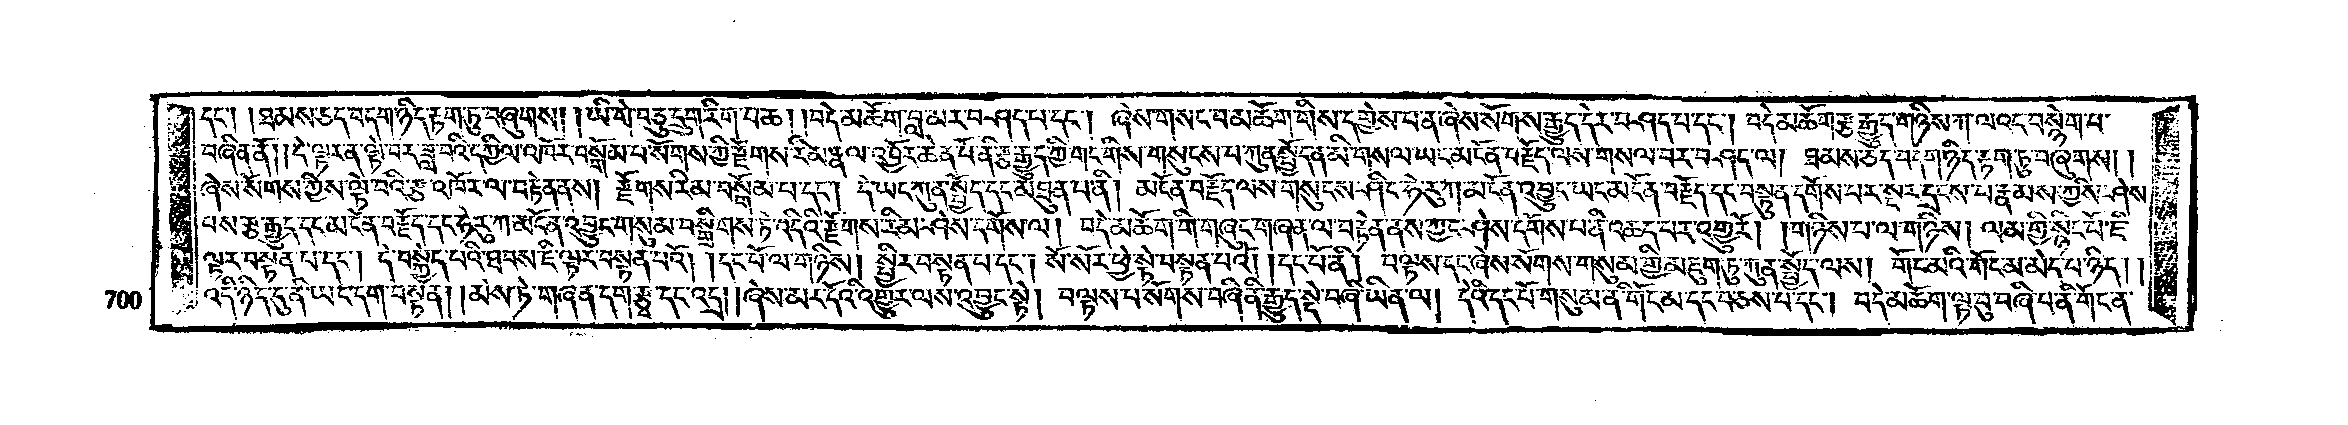དང་། །ཐམས་ཅད་བདག་ཉིད་རྟག་ཏུ་བཞུགས། །ཡི་གེ་བཅུ་དྲུག་རིག་པ་ཆེ། །བདེ་མཆོག་བླ་མར་བཤད་པ་དང་། ཞེས་གསང་བ་མཆོག་གིས་དགྱེས་པ་ན་ཞེས་སོགས་རྒྱུད་དེར་བཤད་པ་དང་། བདེ་མཆོག་རྩ་རྒྱུད་གཉིས་ཀ་ལའང་བསྙེག་པ་
བཞིན་ནོ། །དེ་ལྟར་ན་ལྟེ་བར་ཟླ་བའི་དཀྱིལ་འཁོར་བསྒོམ་པ་སོགས་ཀྱི་རྫོགས་རིམ་རྣལ་འབྱོར་ཆེན་པོ་ནི་རྩ་རྒྱུད་ཀྱི་གང་གིས་གསུངས་པ་ཀུན་སྤྱོད་ན་མི་གསལ་ཡང་མངོན་བརྗོད་ལས་གསལ་བར་བཤད་ལ། ཐམས་ཅད་བདག་ཉིད་རྟག་ཏུ་བཞུགས། །
ཞེས་སོགས་ཀྱིས་ལྟེ་བའི་རྩ་འཁོར་ལ་བརྟེན་ནས། རྫོགས་རིམ་བསྒོམ་པ་དང་། དེ་ཡང་ཀུན་སྤྱོད་དང་མཐུན་པ་ནི། མངོན་བརྗོད་ལས་གསུངས་ཤིང་ཧེ་རུ་ཀ་མངོན་འབྱུང་ཡང་མངོན་བརྗོད་དང་བསྟུན་དགོས་པར་སྔར་དྲངས་པ་རྣམས་ཀྱིས་ཤེས་
པས་རྩ་རྒྱུད་དང་མངོན་བརྗོད་དང་ཧེ་རུ་ཀ་མངོན་འབྱུང་གསུམ་བསྒྲིགས་ཏེ་འདིའི་རྫོགས་རིམ་ཤེས་དགོས་ལ། བདེ་མཆོག་གི་གཞུང་གཞན་ལ་བརྟེན་ནས་ཀྱང་ཤེས་དགོས་པ་ནི་འཆད་པར་འགྱུར་རོ། །གཉིས་པ་ལ་གཉིས། ལམ་གྱི་སྙིང་པོ་ཇི་
ལྟར་བསྟན་པ་དང་། དེ་བསྐྱེད་པའི་ཐབས་ཇི་ལྟར་བསྟན་པའོ། །དང་པོ་ལ་གཉིས། སྤྱིར་བསྟན་པ་དང་། སོ་སོར་ཕྱེ་སྟེ་བསྟན་པའོ། །དང་པོ་ནི། བལྟས་དང་ཞེས་སོགས་གསུམ་གྱི་མཇུག་ཏུ་ཀུན་སྤྱོད་ལས། གོང་མའི་གོང་མ་མེད་པ་ཉིད། །
འདི་ཉིད་དུ་ནི་ཡང་དག་བསྟན། །མེས་ཏེ་གཞན་དག་རྩྭ་དང་འདྲ། །ཞེས་མར་དོའི་འགྱུར་ལས་འབྱུང་སྟེ། བལྟས་པ་སོགས་བཞི་ནི་རྒྱུད་སྡེ་བཞི་ཡིན་ལ། དེའི་དང་པོ་གསུམ་ནི་གོང་མ་དང་བཅས་པ་དང་། བདེ་མཆོག་ལྟ་བུ་བཞི་པ་ནི་གོང་ན་